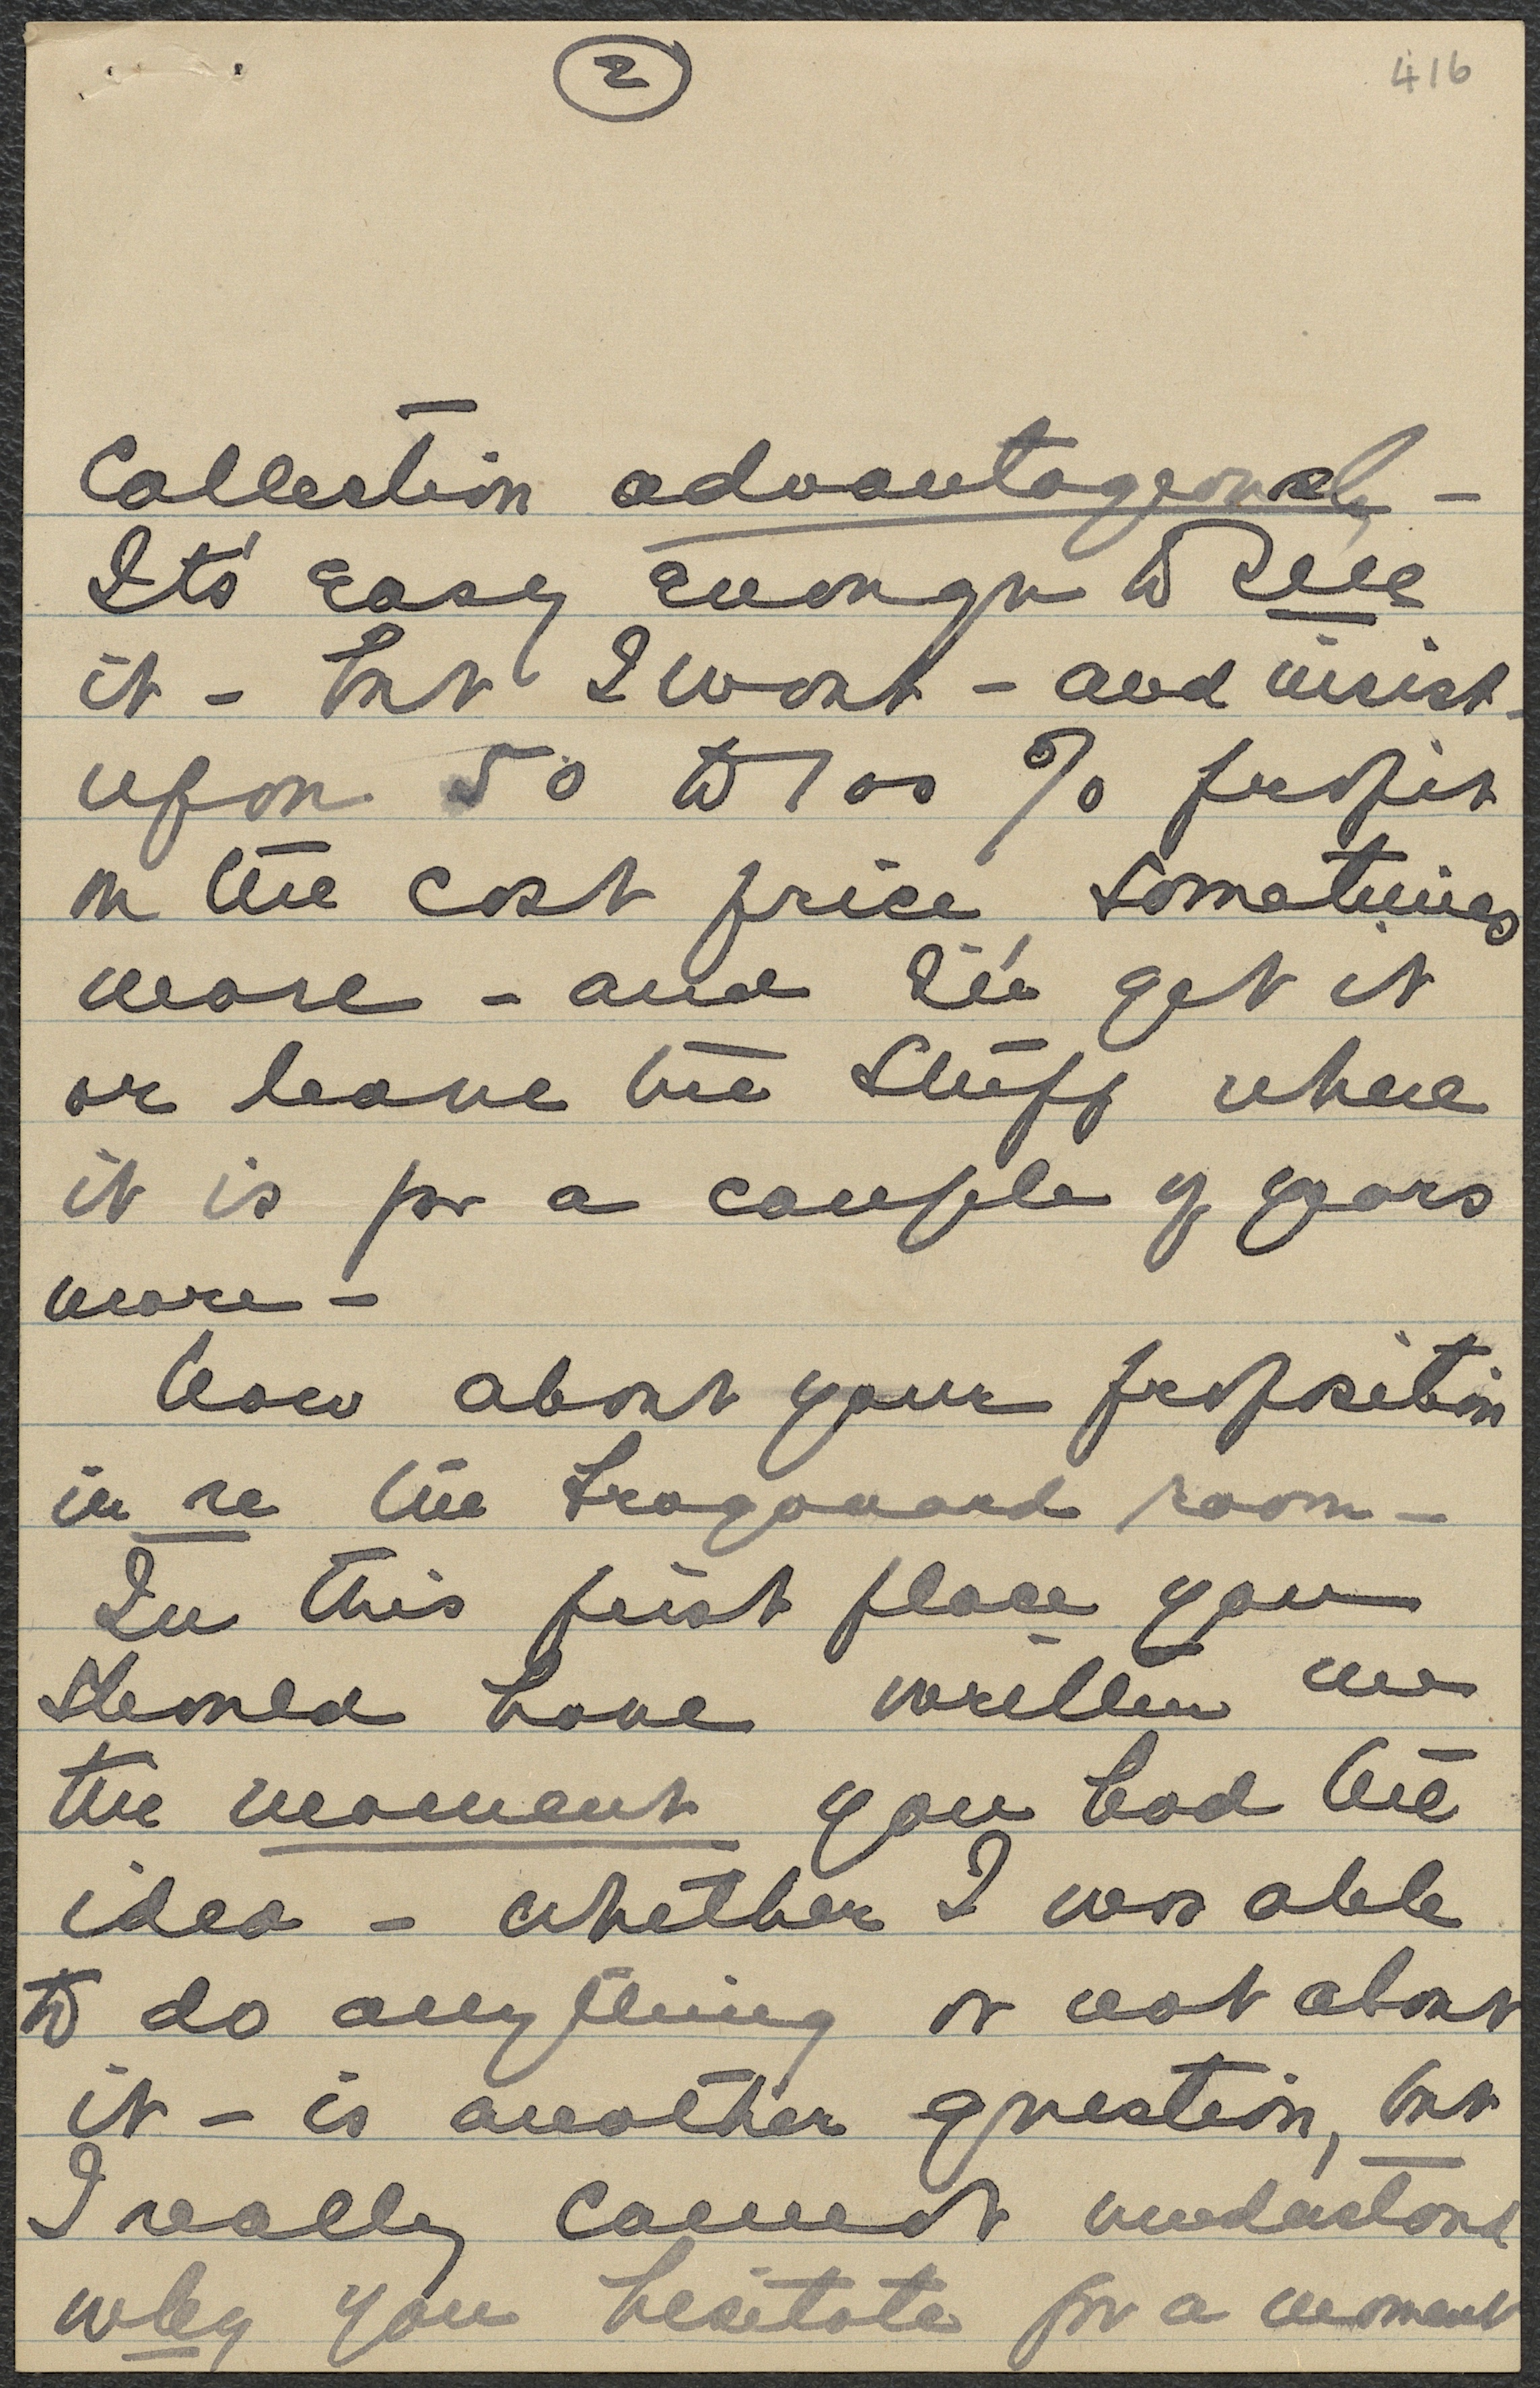2
collection advantageously – It’s easy enough to sell it – but I want – and insist upon 50 to 100% profit on the cost price, sometimes more – and I’ll get it or leave the stuff where it is for a couple of years more –
Now about your proposition in re the Fragonard room – In this first place you should have written me the moment you had the idea – whether I was able to do anything or not about it – is another question, but I really cannot understand why you hesitate for a moment